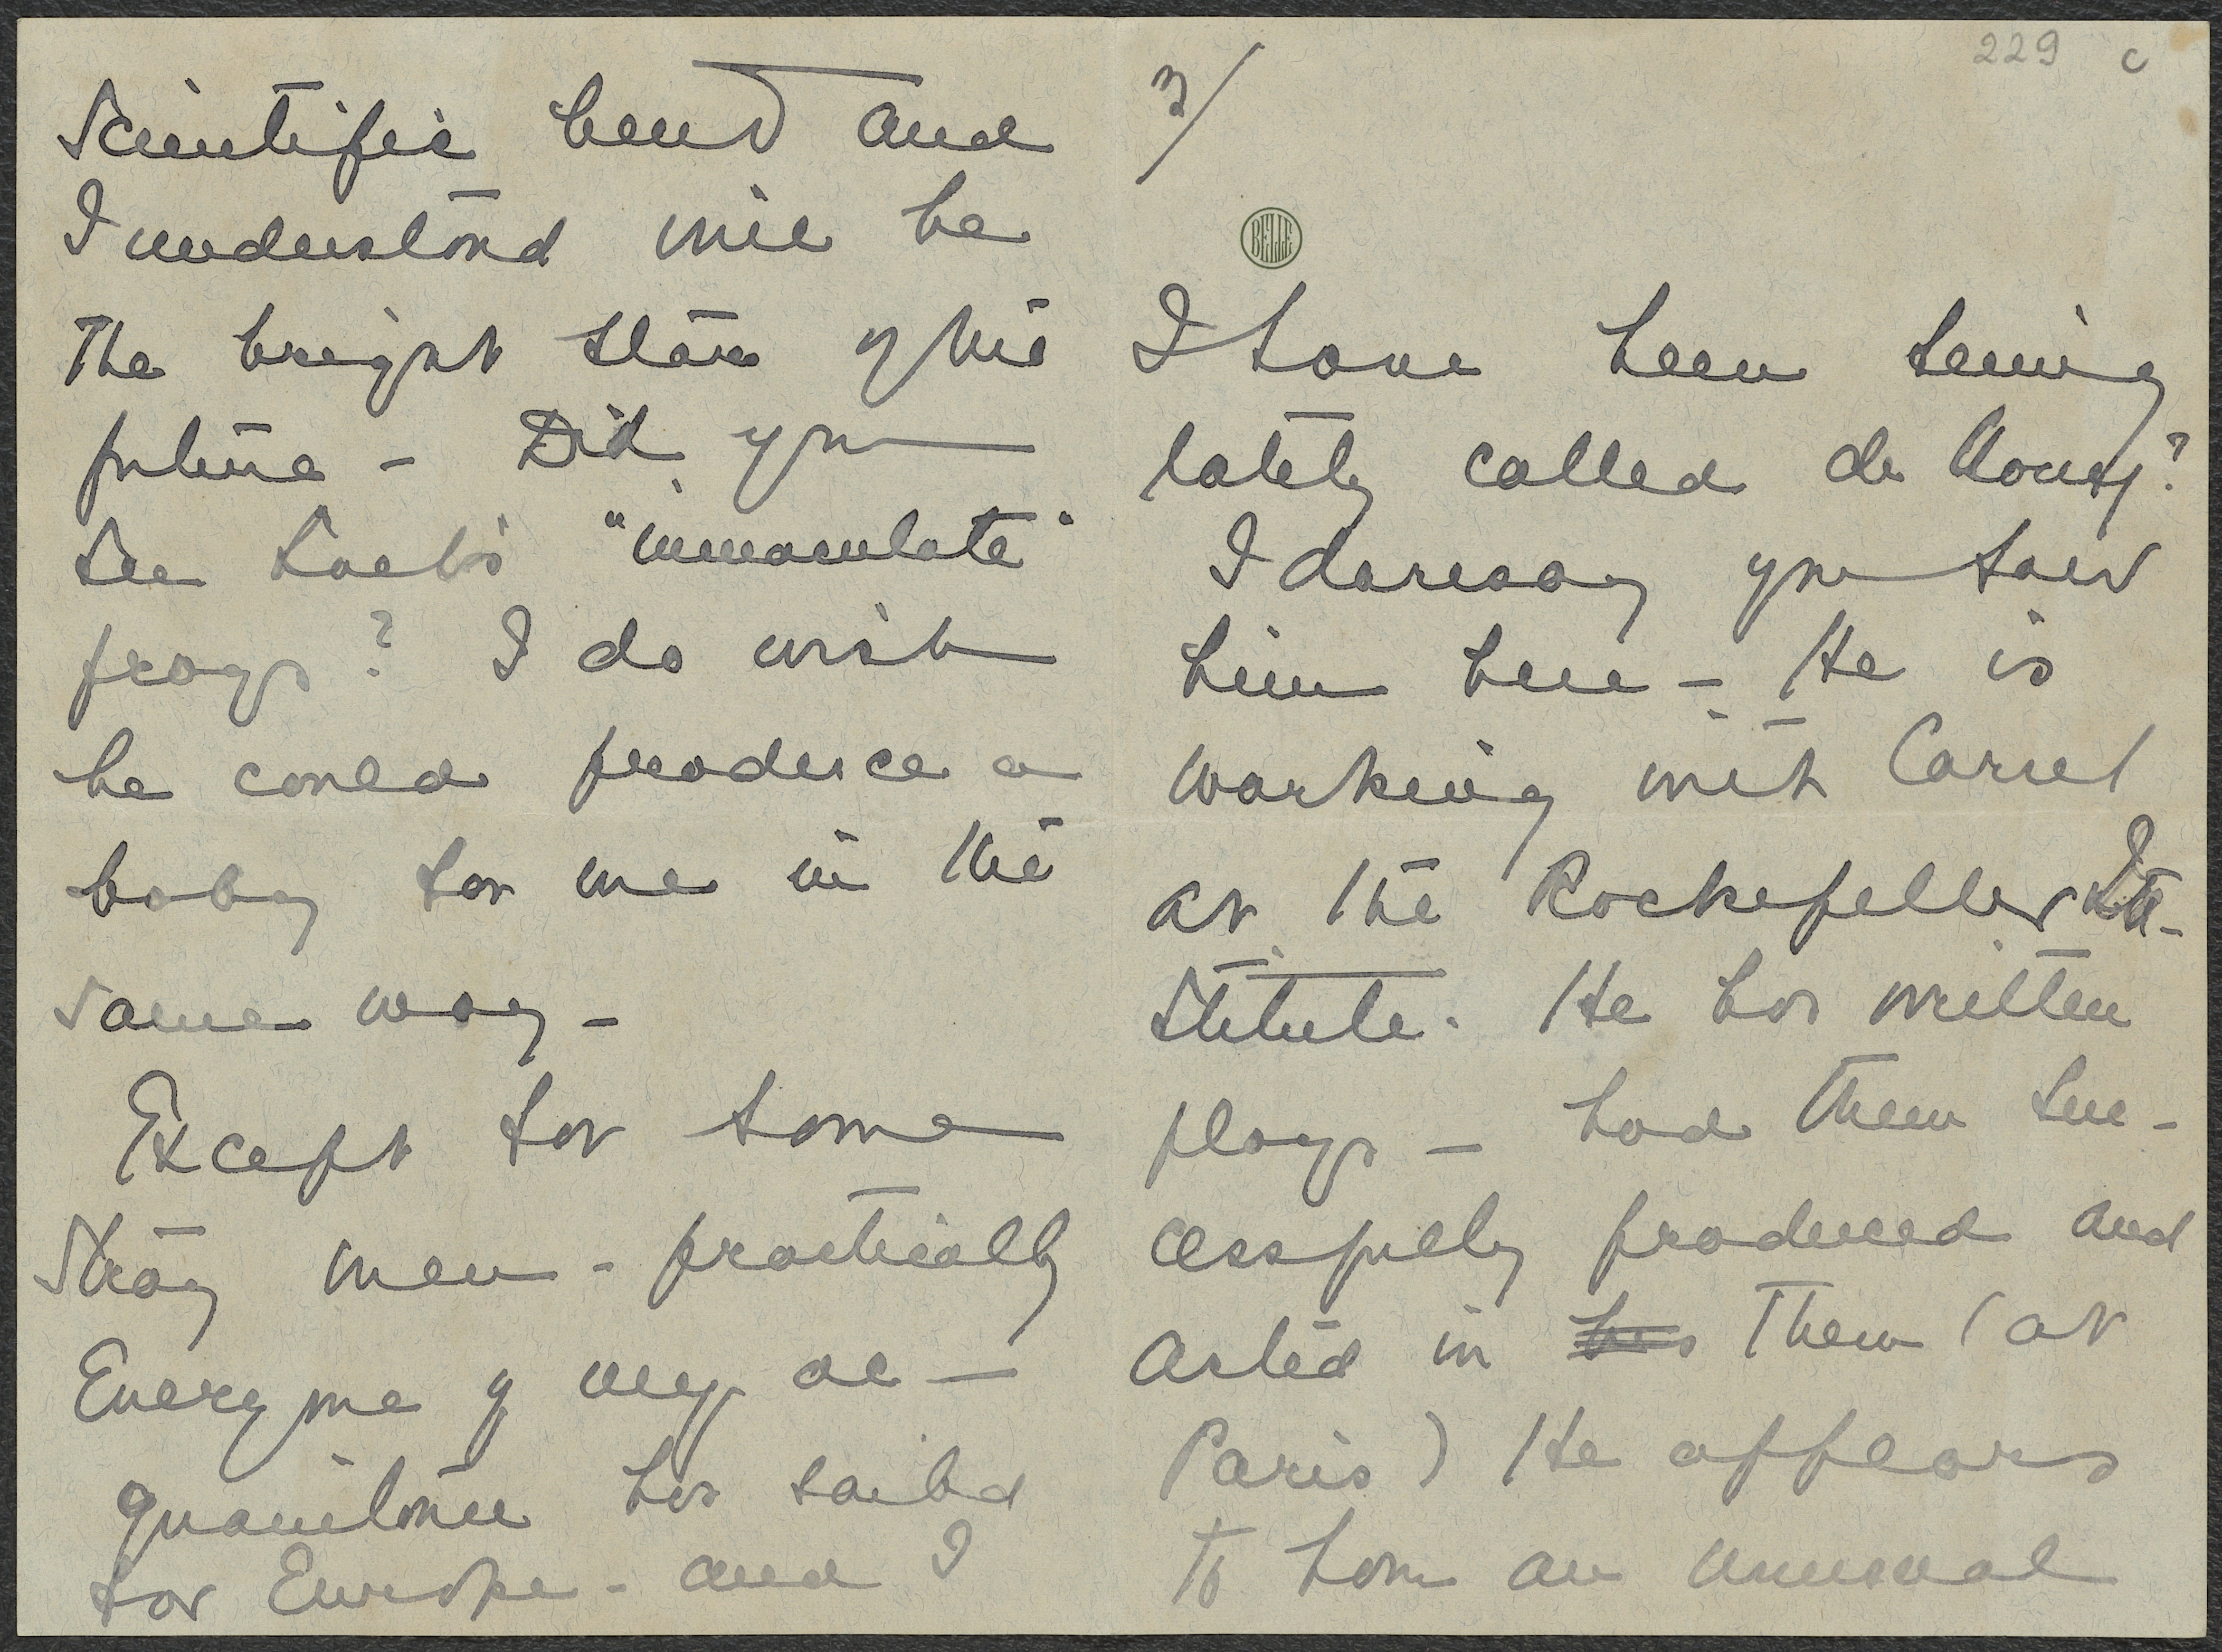I have been seeing lately called de de Novy [?]? I daresay you saw him here – He is working with Carrel at the Rockefeller Institute. He has written plays – had them successfully produced and acted in his them (at Paris) He appears to have an unusual
scientific bent and I understand will be the bright star of the future – Did you see Loeb’s “inmaculate” frogs? I do wish he could produce a baby for me in the same way –
Except for some stray men – practically everyone of my acquaintance has sailed for Europe – and I